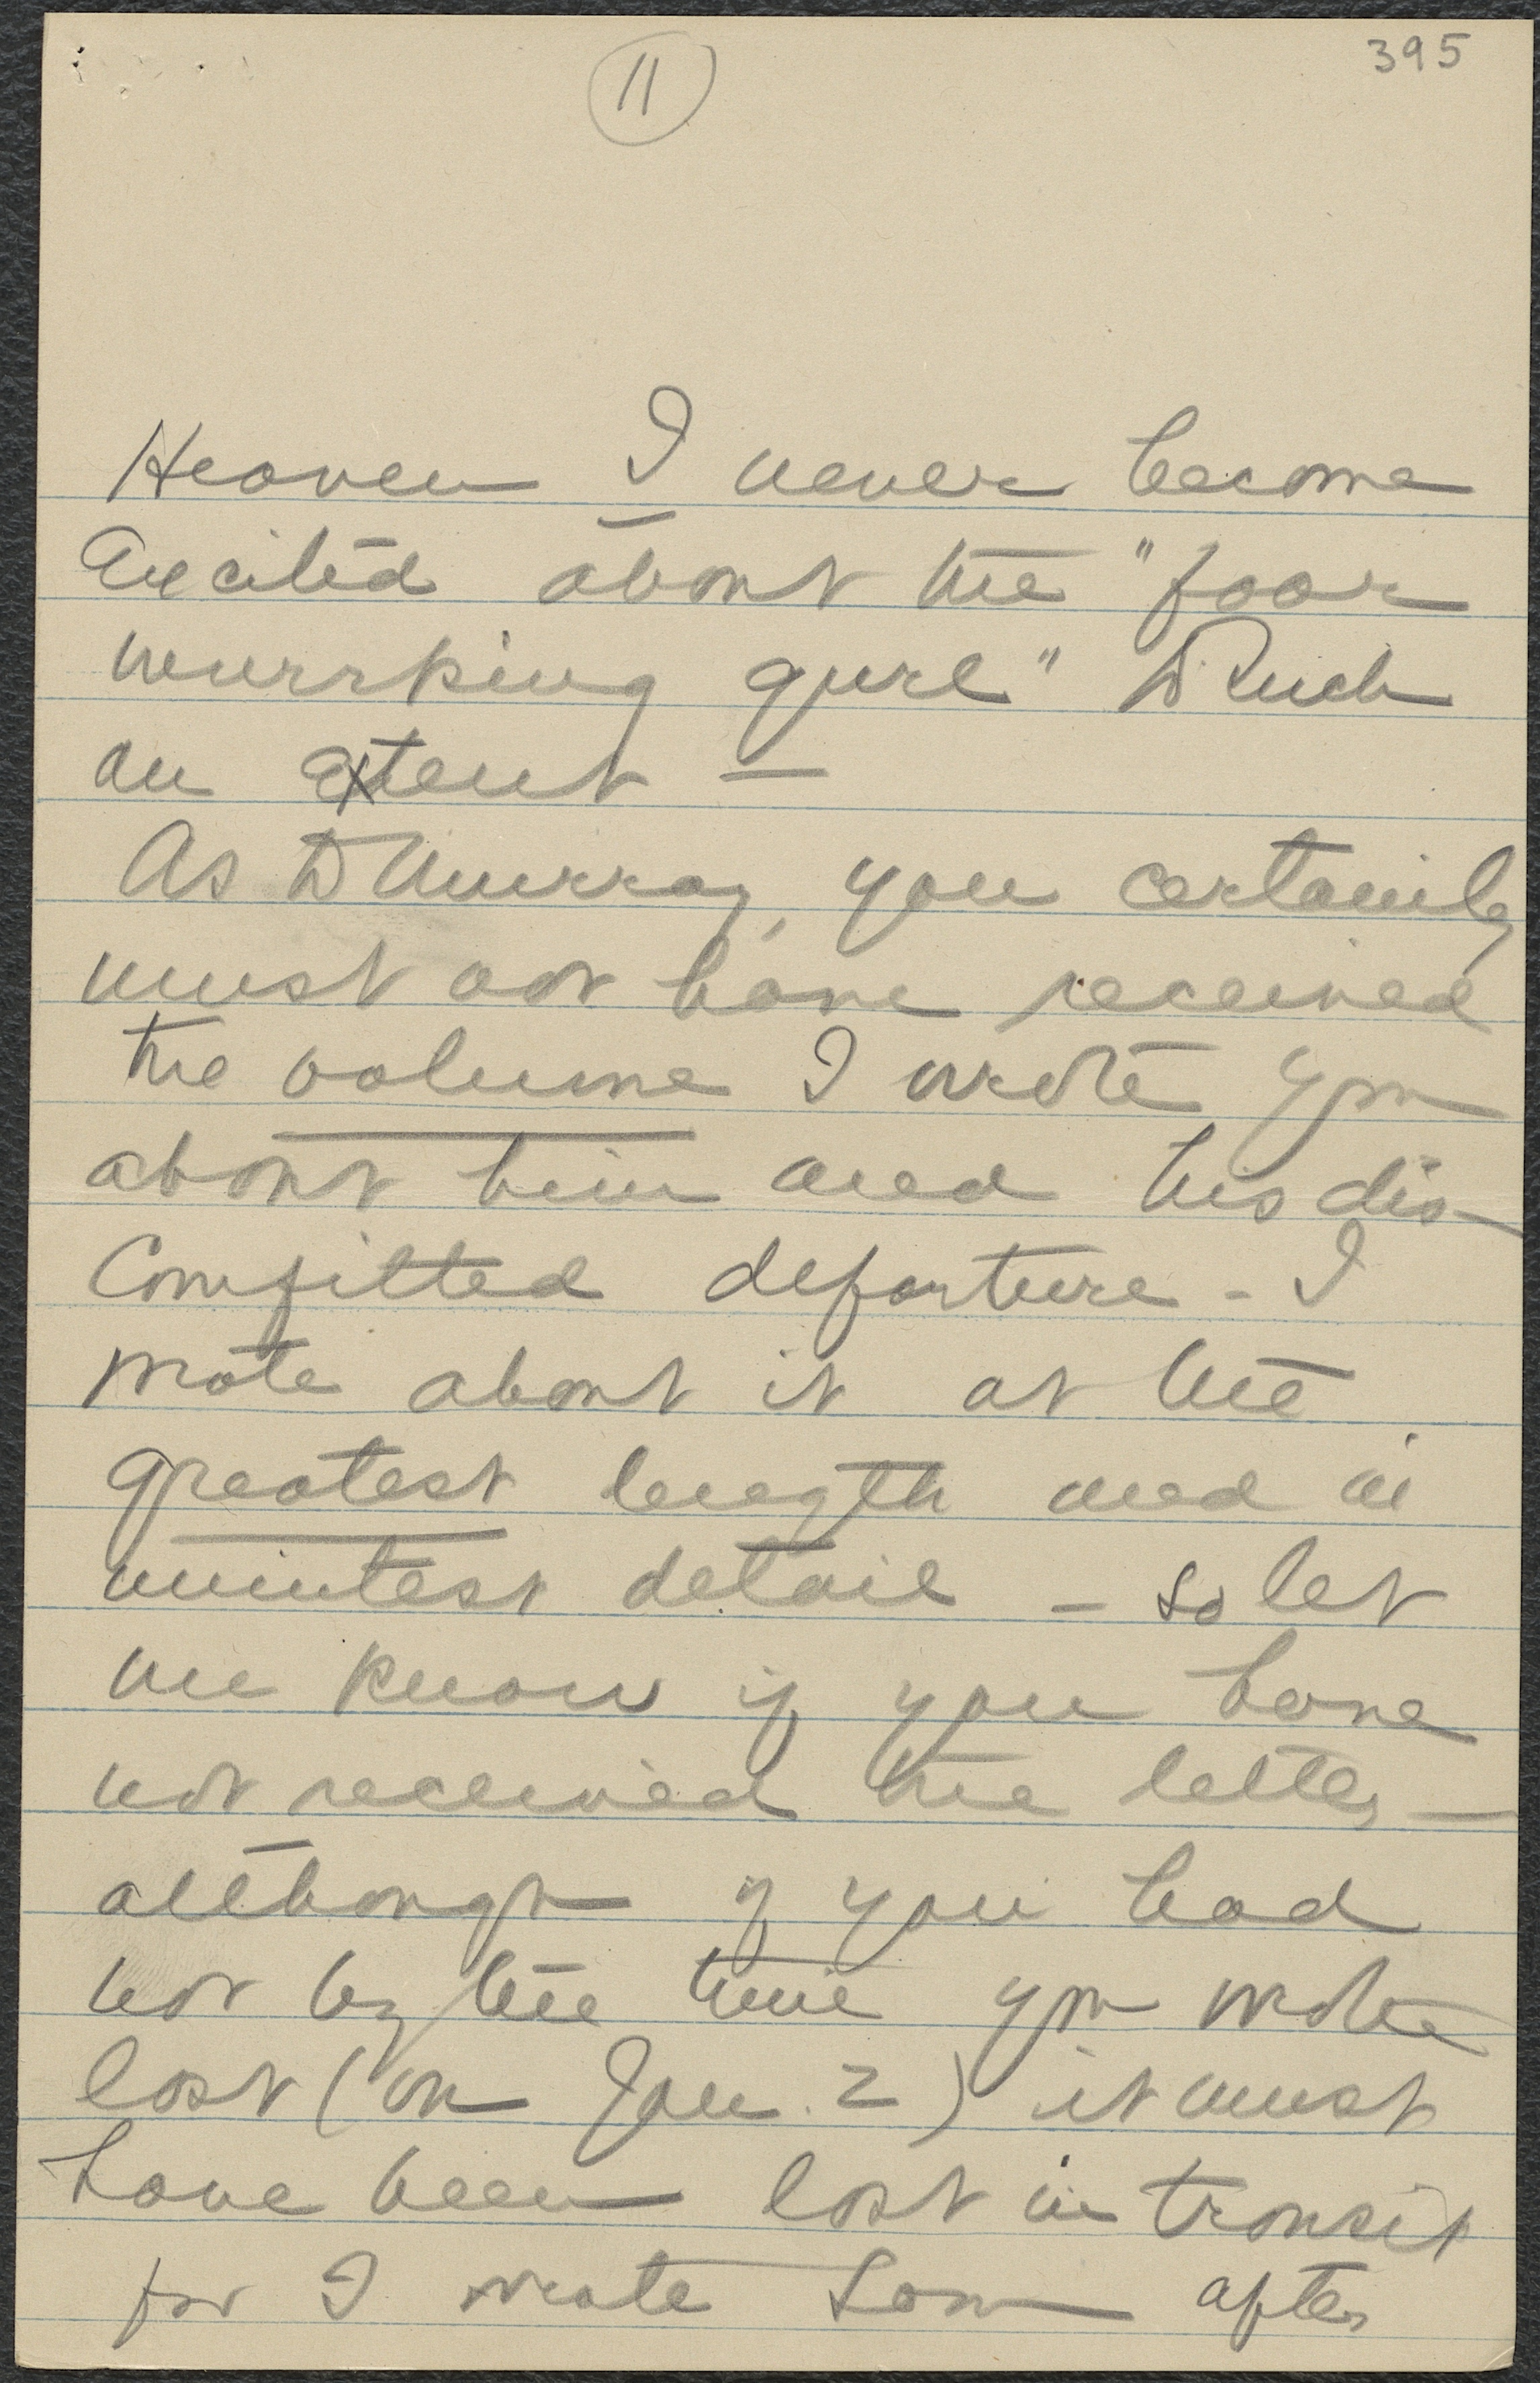Heaven I never become excited about the “poor working gurl [sic]” to such an extent –
As to Murray, you certainly must not have received the volume I wrote you about him and his discomfitted [sic] departure – I wrote about it at the greatest length and in minutest detail – so let me know if you have not received the letters – although if you had not by the time you wrote last (on Jan 2) it must have been lost in transit for I wrote you after